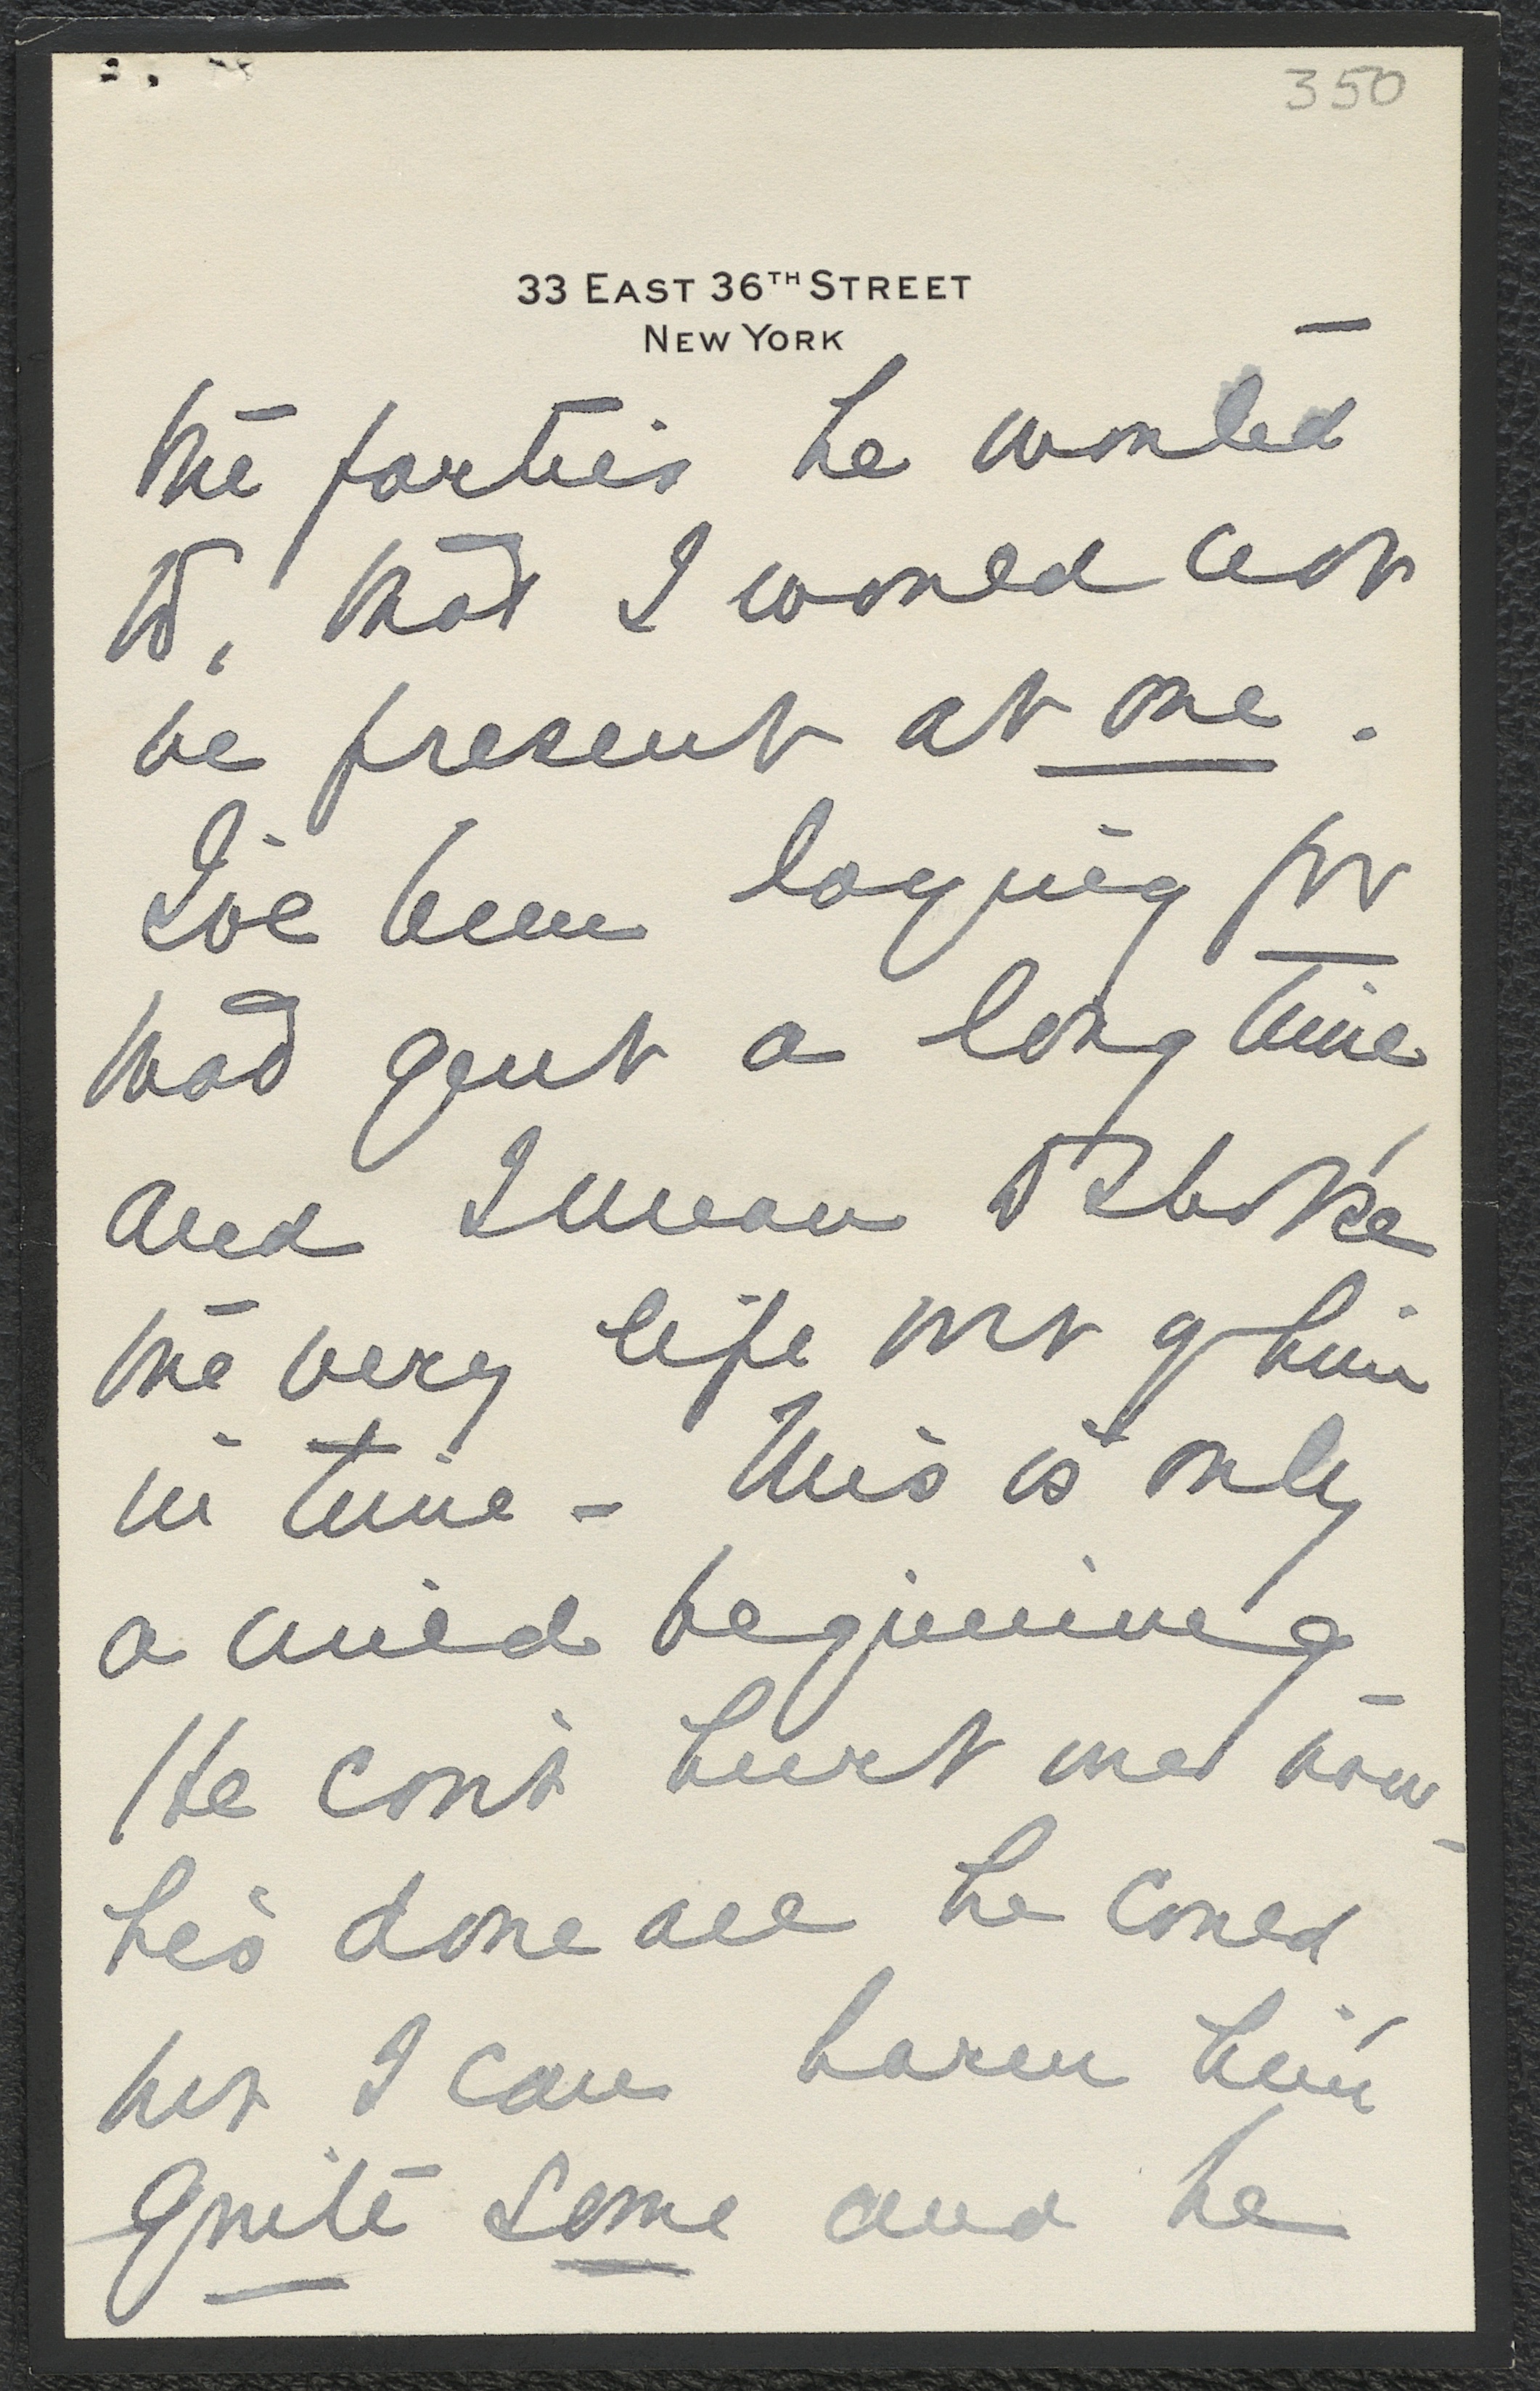the parties he wanted to, that I would not be present at one.
I’ve been laying for that gent a long time, and I mean to shake the very life out of him in time – This is only a mild beginning – He can’t hurt me now – he’s done all he could but I can harm him quite some and he